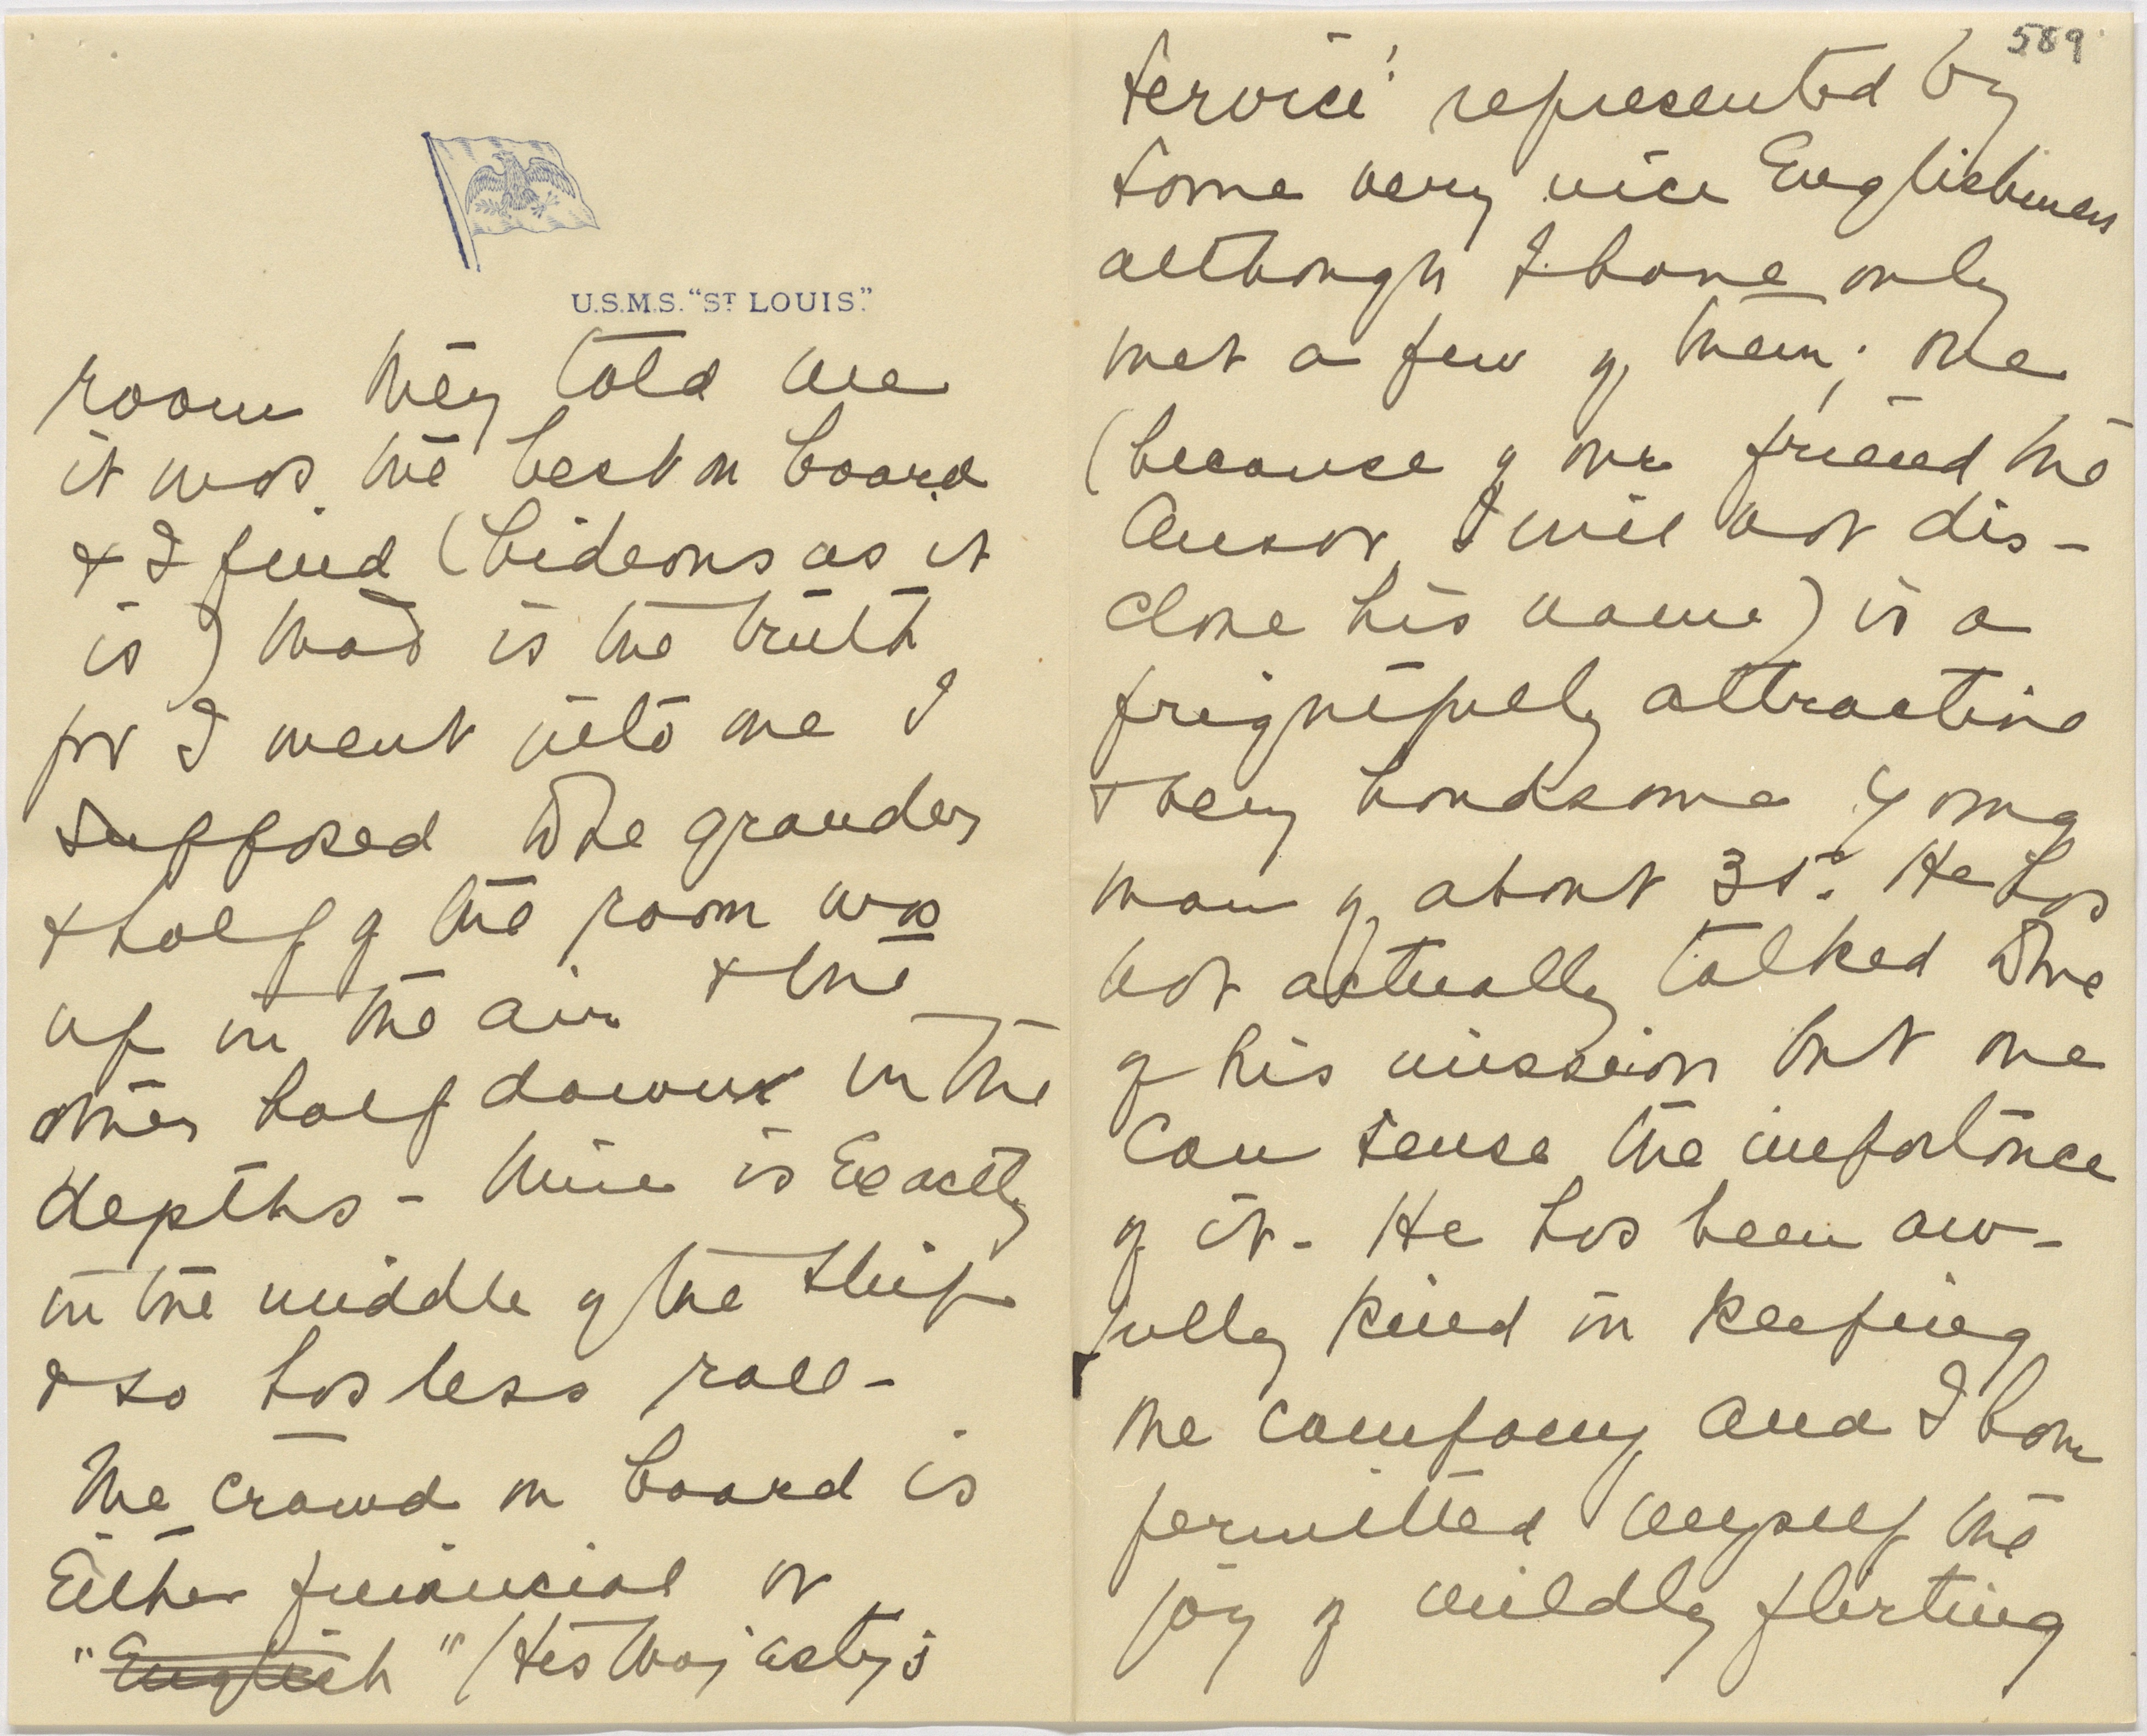they told me it was the best on board & I find (hideous as it is) that is the truth for I went into one I supposed to be grander & half of the room was up in the air & the other half down in the depths – Mine is exactly in the middle of the ship & so has less roll –
The crowd on board is either financial or “English” His Majesty’s
service represented by some very nice Englishmen although I have only met a few of them; one (because of our friend the censor I will not disclose his name) is a frightfully attractive & very handsome young man of about 35 He has not actually talked to me of his mission but one can sense the importance of it – He has been awfully kind in keeping me company and I have permitted myself the joy of mildly flirting